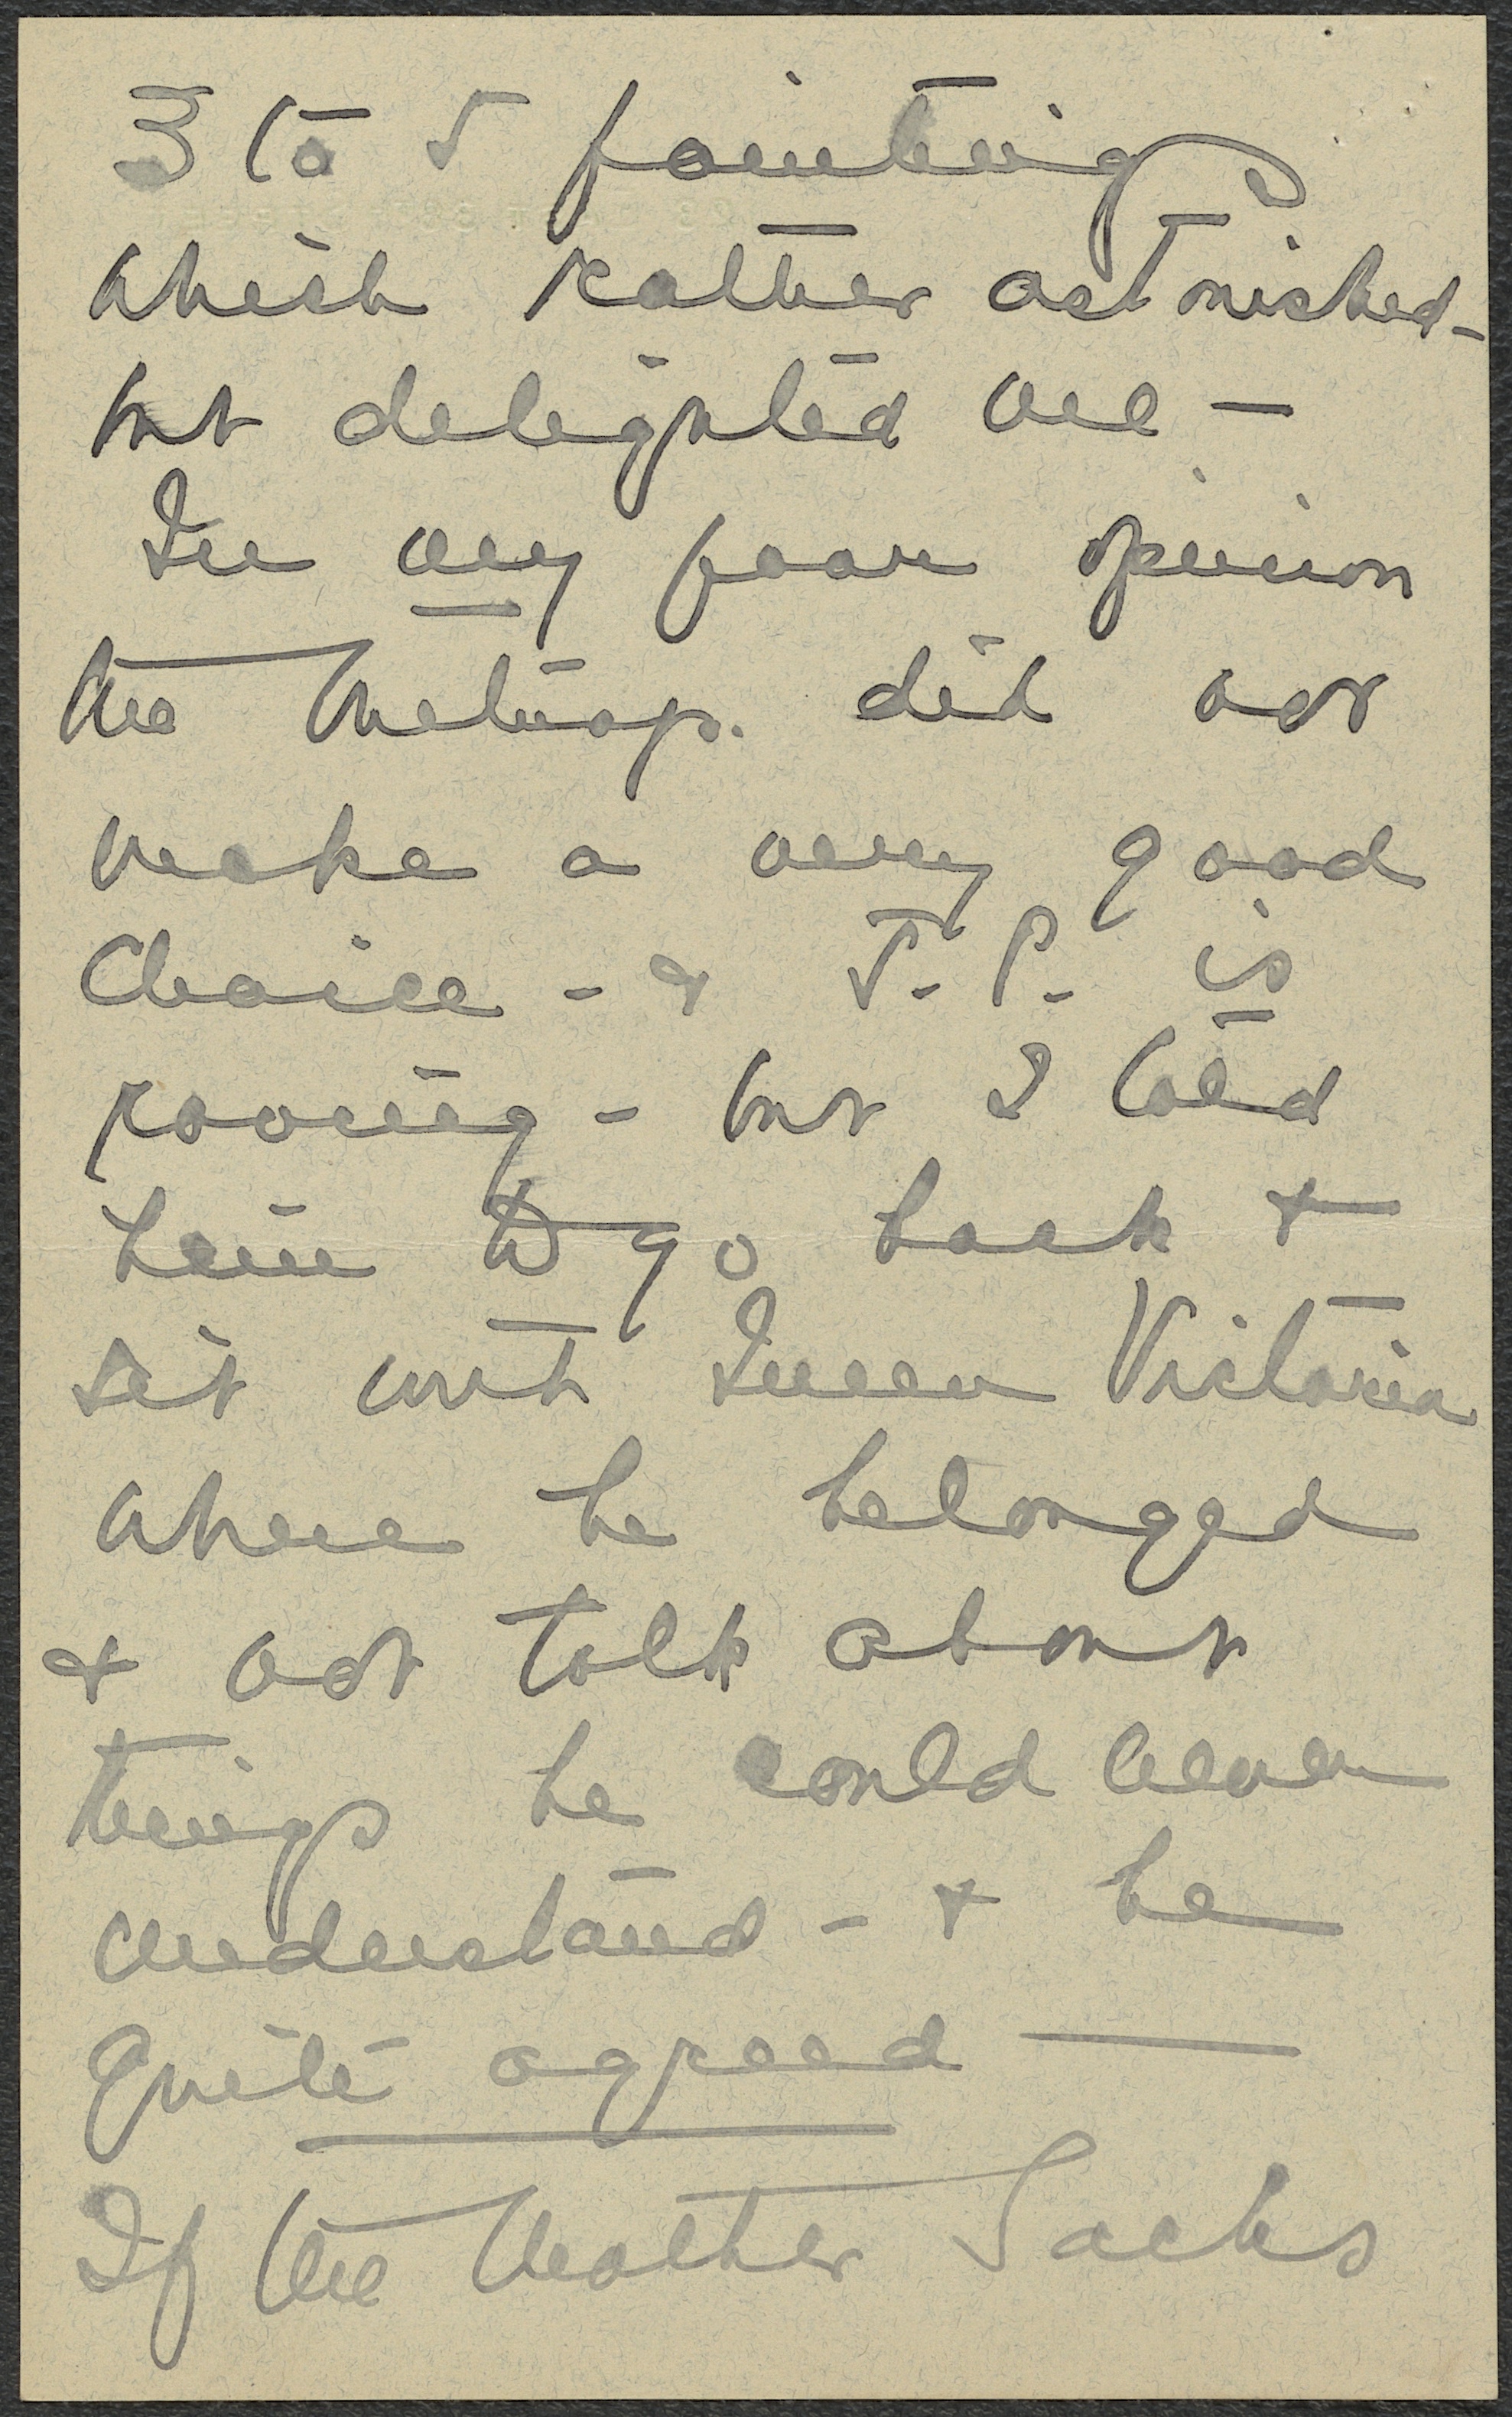3 to 5 paintings which rather astonished – but delighted me – In my poor opinion the Metrop. did not make a very good choice – & J.P. is roaring – but I told him to go back & sit with Queen Victoria where he belonged & not talk about things he could never understand & he quite agreed –
If the Mather Sachs